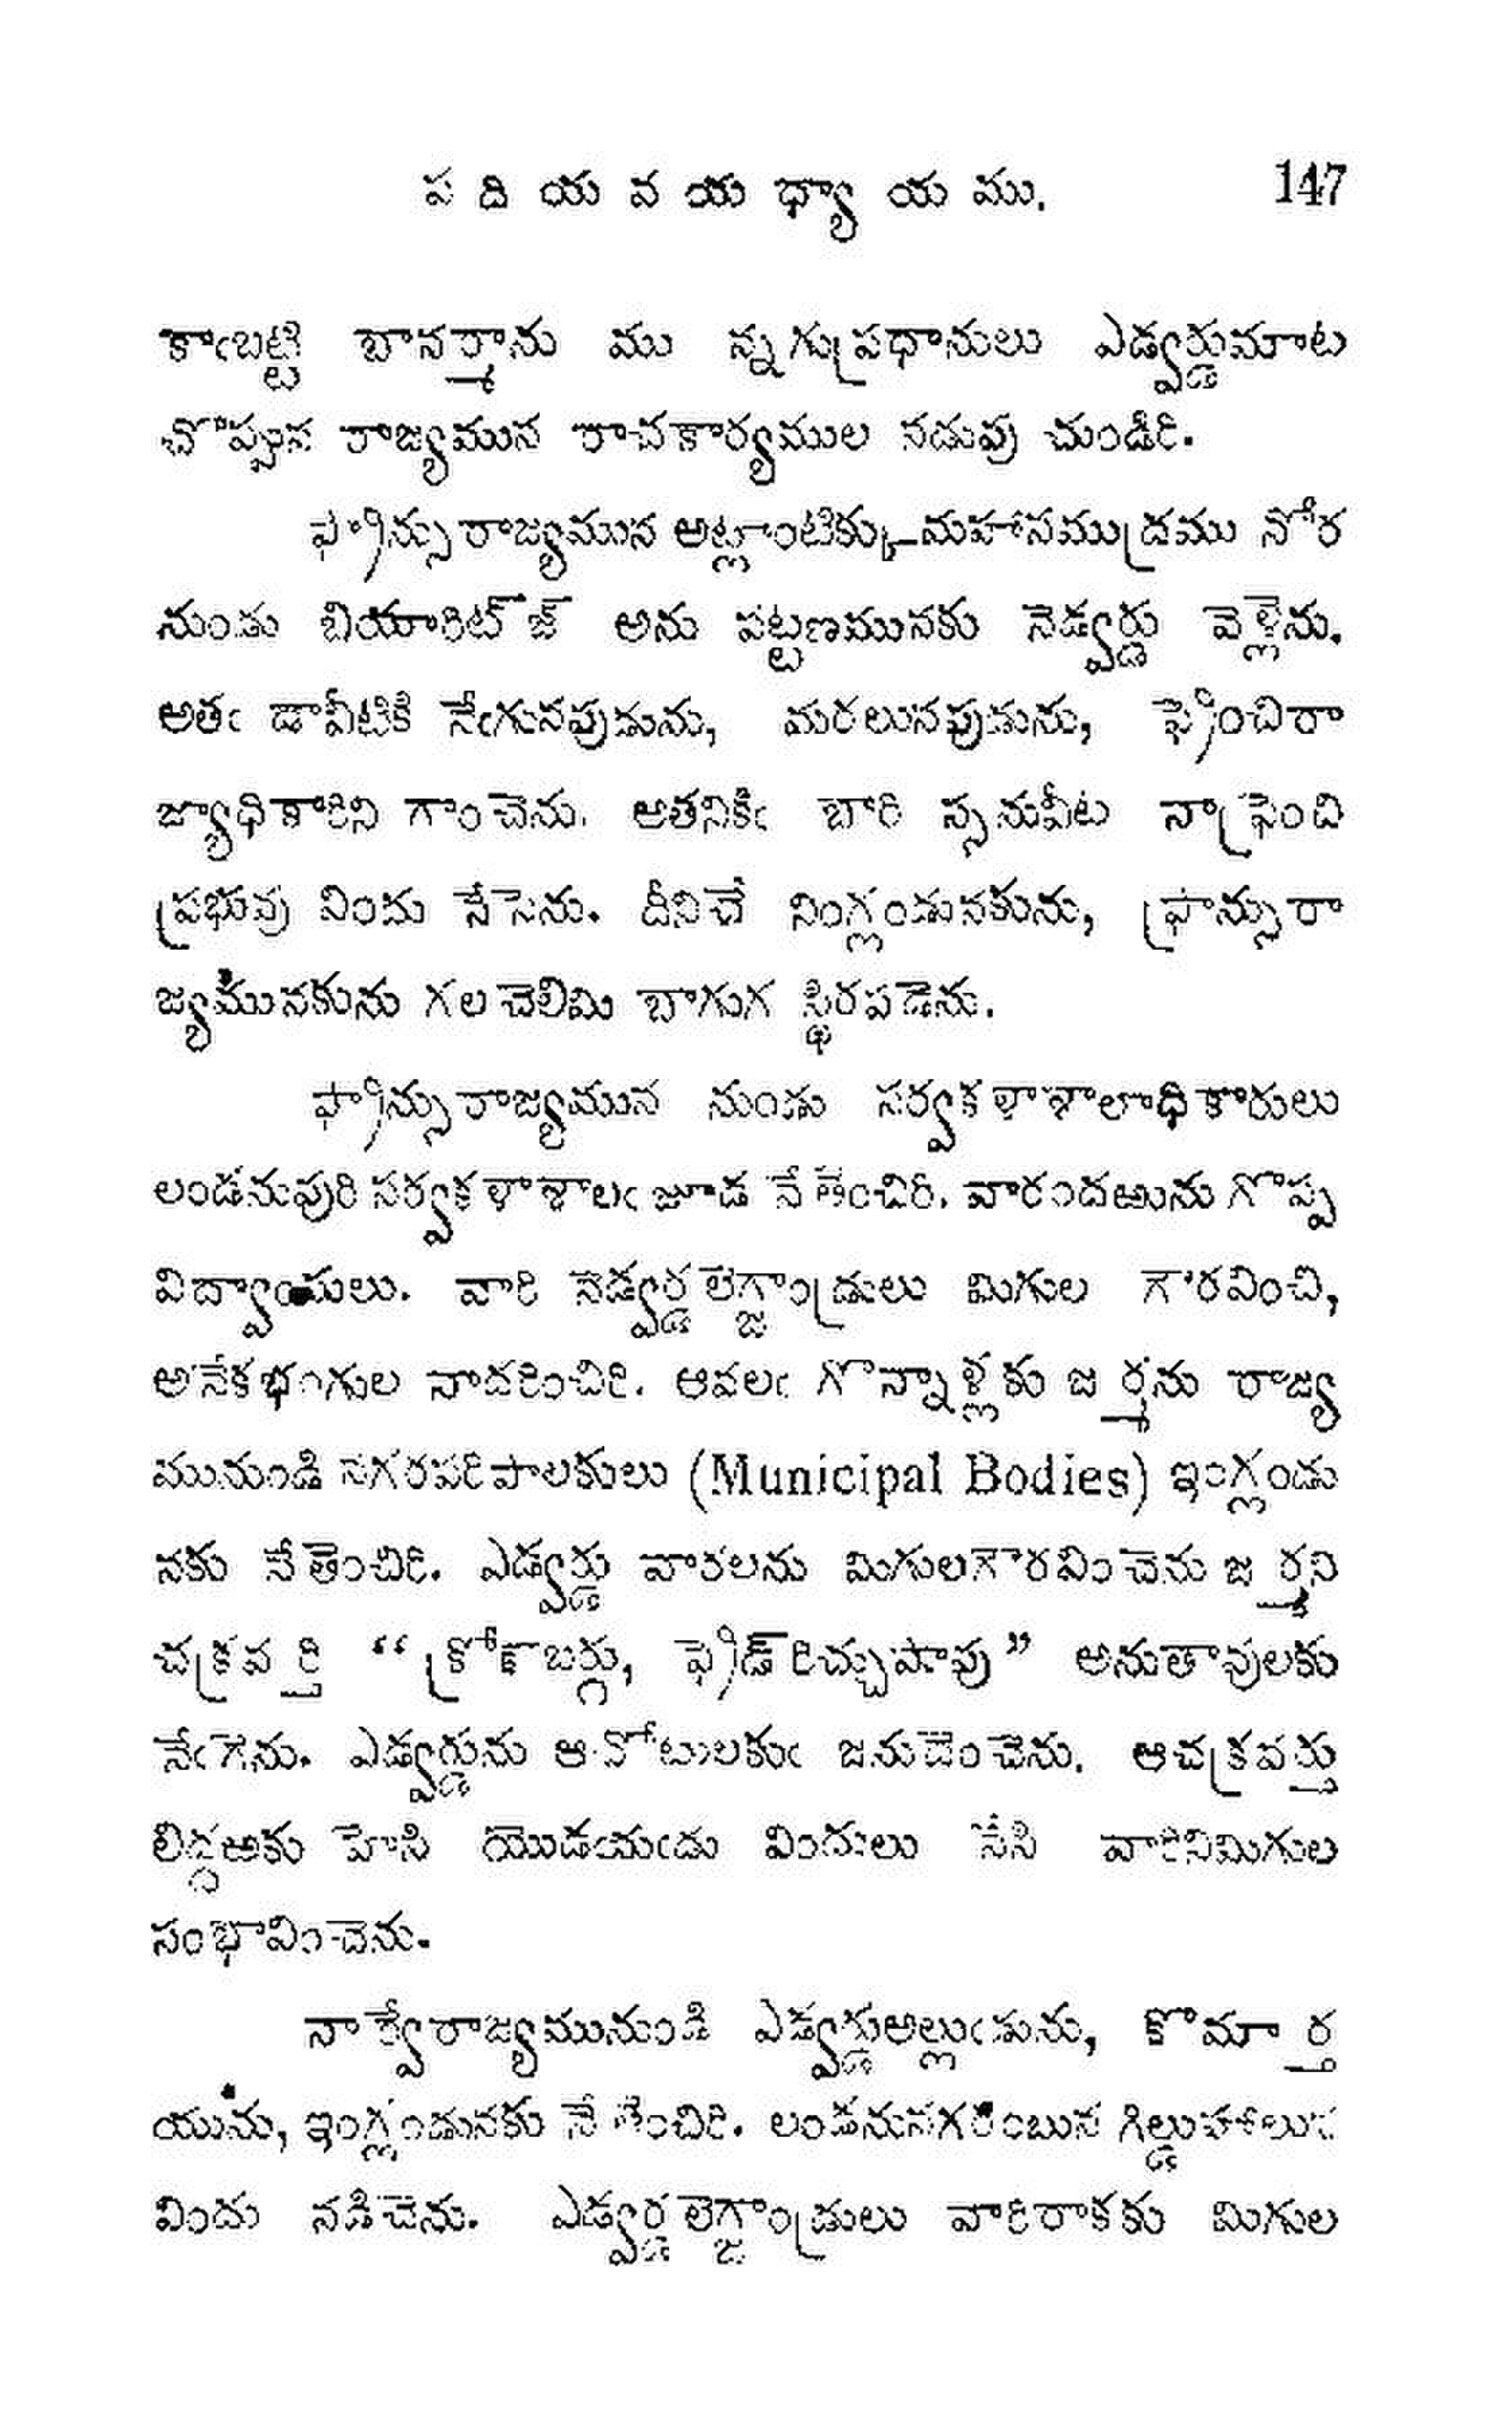కాఁబట్టి బానర్మాను మున్నగు ప్రధానులు ఎడ్వర్డుమాట చొప్పున రాజ్యమున రాచకార్యముల నడుపు చుండిరి.

ప్రాన్సు రాజ్యమున అట్లాంటిక్కు మహాసముద్రము నోర నుండు బియారిట్ జ్ అను 'పట్టణమునకు 'నేడ్వెర్డు వెళ్లెను, అతఁ డావీటికి నేలగునపుడును, మరలునపుడును, ఫెంచిరా జ్యూధి కారిని గాంచెను. అతనికి బారిస్సను వీట నా ఫ్రెంచి ప్రభువు విందు సేసెను. దీనిచే నింగ్లండునకును, ఫ్రాన్సు రా జ్యమునకును గల చెలిమి బాగుగ స్థిరపడెను.

ఫ్రాన్సు రాజ్యమున నుండు సర్వకళాశాలాధి కారులు లండను పురి సర్వకళాశాలఁ జూడ నేతెంచరి, వారందఱును గొప్ప విద్వాంసులు. వారి నెడ్వర్డ లెగ్జాండ్రులు మిగుల గౌరవించి, అనేక భంగుల నాదరించి. ఆవలఁ గొన్నాళ్లకు జర్మను 'రాజ్య మునుండి సగర పరి పాలకులు (Municipal Bodies) ఇంగ్లండు నకు నే తెంచిరి. ఎడ్వర్డు వారలను మిగులగౌరవించెను జర్మని చక్రవర్తి " క్రో బర్గు, ఫ్రెడ్ రిచ్చుషాపు ” అనుతావులకు నేగెను. ఎడ్వర్డును ఆ నోటులకుఁ జనుదెంచెను. ఆచక్రవర్తు లిద్దఱకు హేసి యొడయుఁడు విందులు చేసి వారిని మిగుల సంభావించెను.

నా ర్వేరాజ్యమును... ఎడ్వర్లు అల్లుఁడును, కొమార్త యును, ఇంగ్లండునకు నేతెంచిరి. లండను నగరంబున గిల్డుహాలు: విందుదు నడిచెను. ఎడ్వర్ణ లెగ్జాండ్రులు వారి రాకకు మిగుల